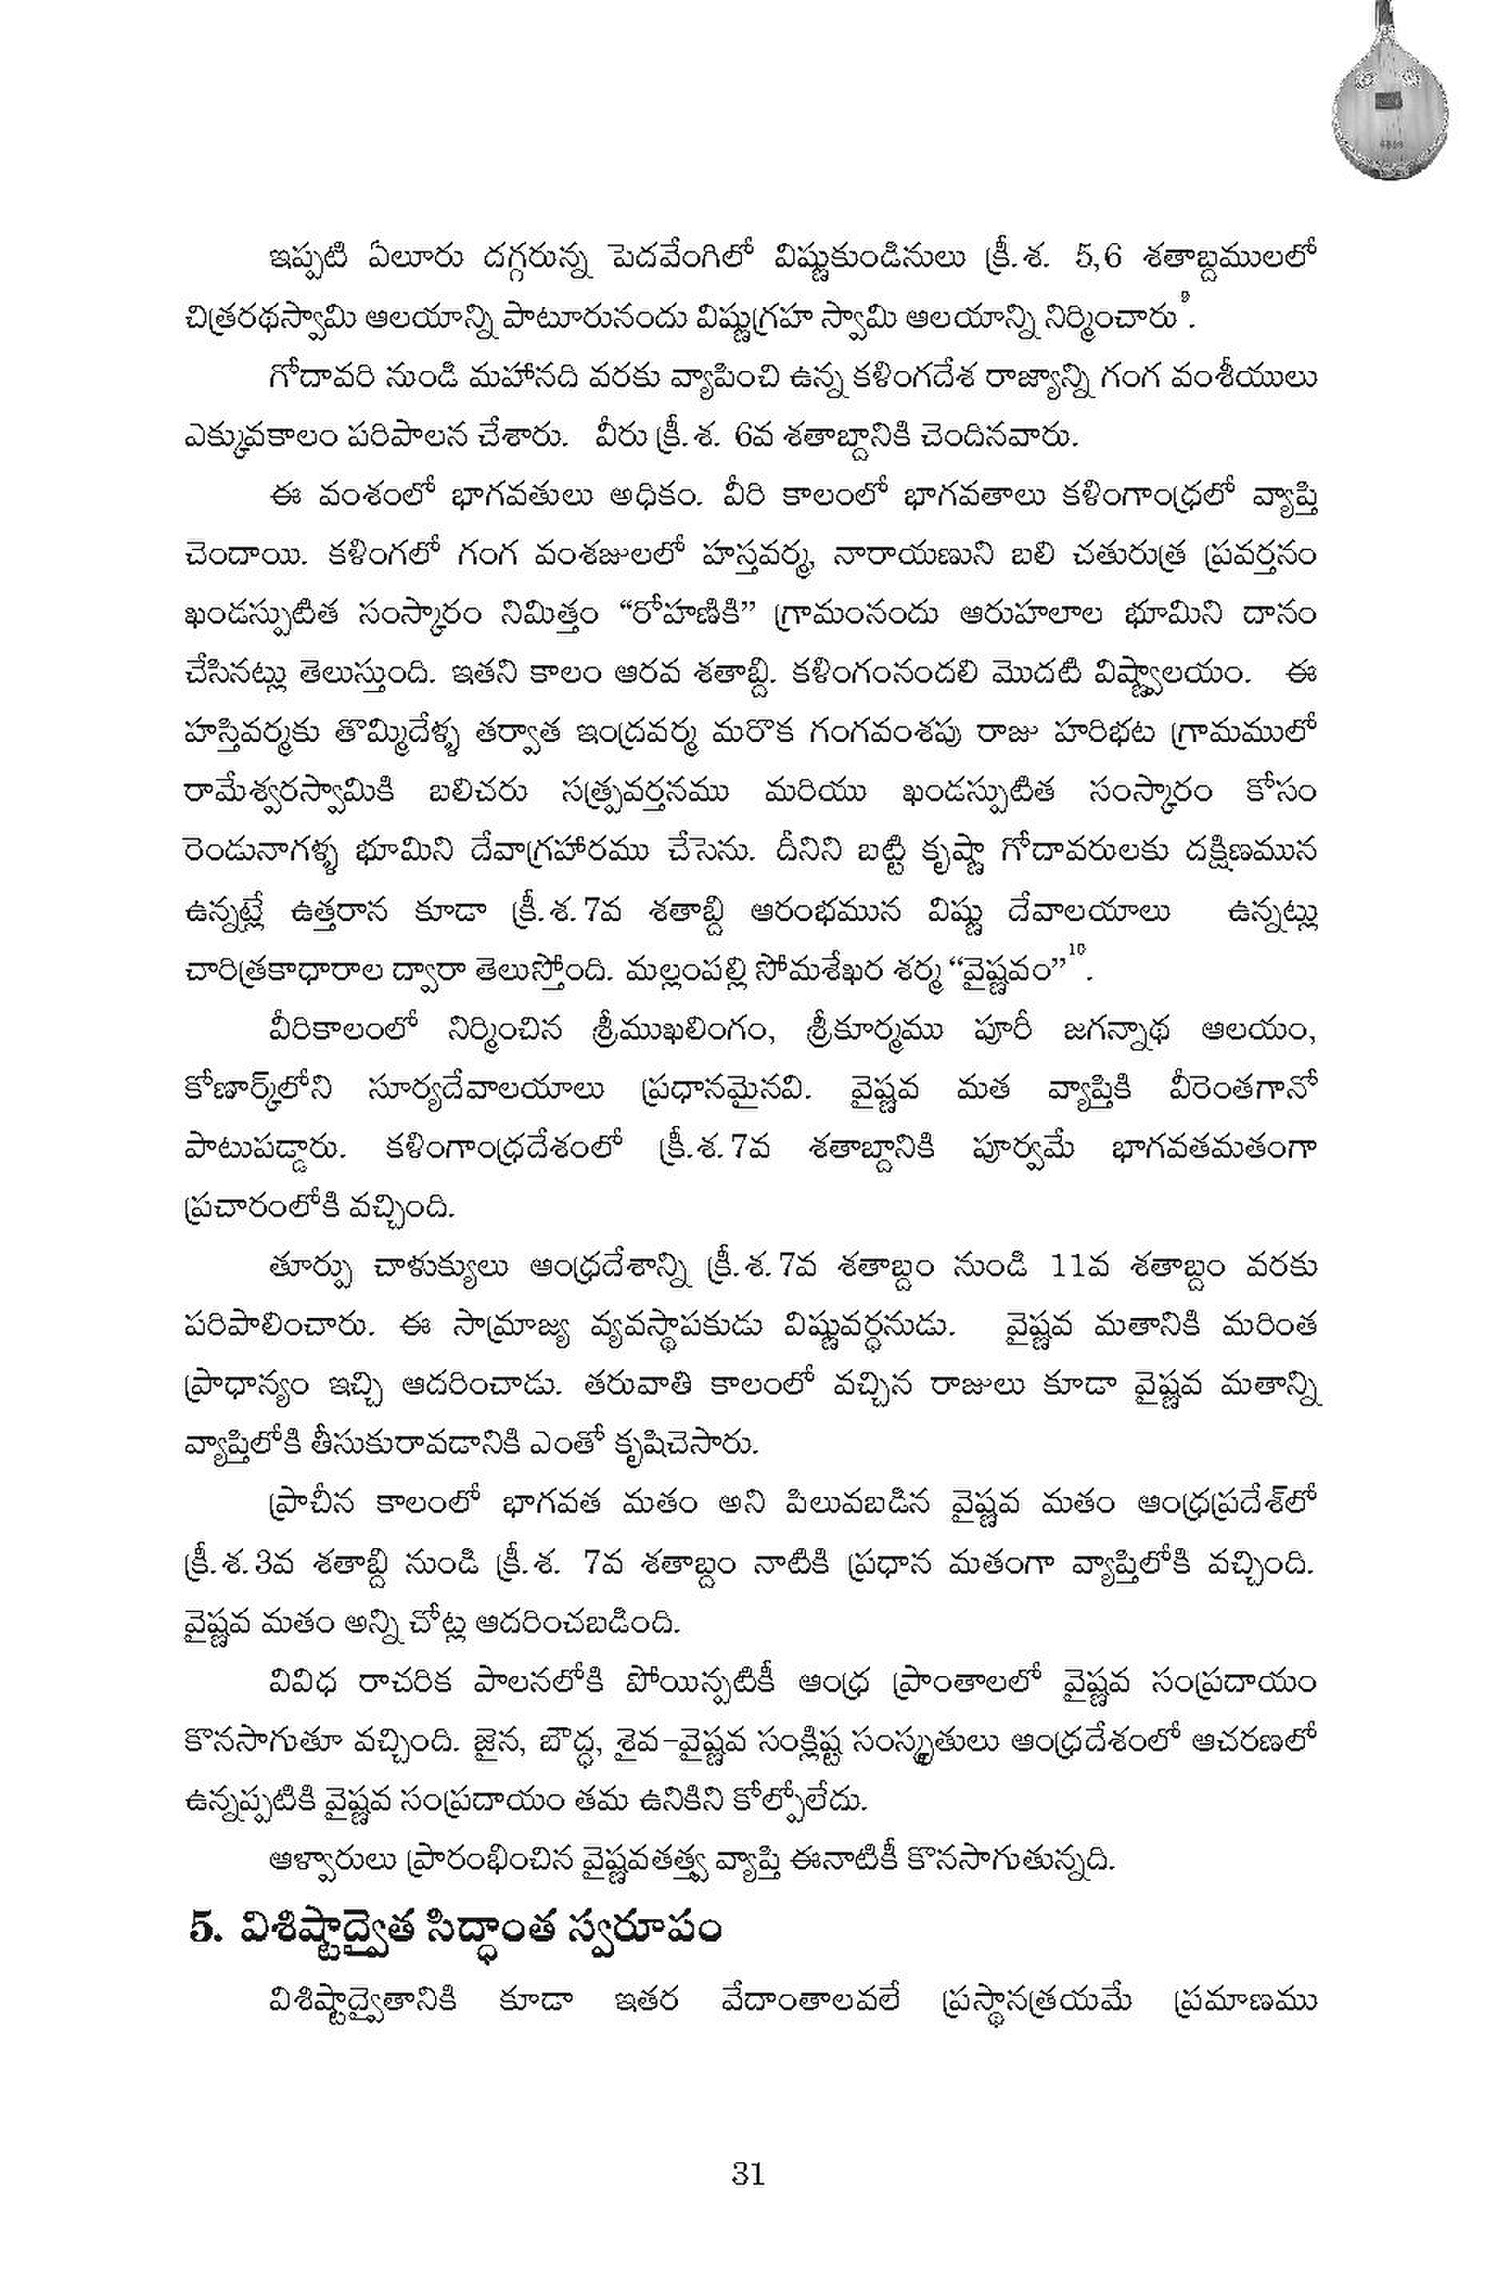ఇప్పటి ఏలూరు దగ్గరున్న పెదవేంగిలో విష్ణుకుండినులు క్రీ.శ. 5,6 శతాబ్దములలో చిత్రరథస్వామి ఆలయాన్ని పాటూరు నందు విష్ణుగ్రహ స్వామి ఆలయాన్ని నిర్మించారు9.

గోదావరి నుండి మహానది వరకు వ్యాపించి ఉన్న కళింగదేశ రాజ్యాన్ని గంగ వంశీయులు ఎక్కువకాలం పరిపాలన చేశారు. వీరు క్రీ.శ. 6వ శతాబ్దానికి చెందినవారు.

ఈ వంశంలో భాగవతులు అధికం. వీరి కాలంలో భాగవతాలు కళింగాంధ్రలో వ్యాప్తి చెందాయి. కళింగలో గంగ వంశజులలో హస్తవర్మ, నారాయణుని బలి చతురుత్ర ప్రవర్తనం ఖండస్పుటిత సంస్కారం నిమిత్తం “రోహణికి" గ్రామంనందు ఆరుహలా ల భూమిని దానం చేసినట్లు తెలుస్తుంది. ఇతని కాలం ఆరవ శతాబ్ది. కళింగంనందలి మొదటి విష్ణ్వాలయం.ఈ హస్తివర్మ కు తొమ్మిదేళ్ళ తర్వాత ఇంద్రవర్మ మరొక గంగవంశపు రాజు హరిభట గ్రామములో రామేశ్వరస్వామికి బలిచరు సత్ప్రవర్తనము మరియు ఖండస్పుటిత సంస్కారం కోసం రెండునాగళ్ళ భూమిని దేవాగ్రహారము చేసెను. దీనిని బట్టి కృష్ణా గోదావరులకు దక్షిణమున ఉన్నట్లే ఉత్తరాన కూడా క్రీ.శ. 7వ శతాబ్ది ఆరంభమున విష్ణు దేవాలయాలు ఉన్నట్లు చారిత్ర కాధారాల ద్వారా తెలుస్తోంది. మల్లంపల్లి సోమశేఖర శర్మ “వైష్ణవం”.10

వీరికాలంలో నిర్మించిన శ్రీముఖలింగం, శ్రీకూర్మము పూరీ జగన్నాథ ఆలయం, కోణార్క్ లోని సూర్యదేవాలయాలు ప్రధానమైనవి. వైష్ణవ మత వ్యాప్తికి వీరెంతగానో పాటుపడ్డారు. కళింగాంధ్రదేశంలో క్రీ.శ. 7వ శతాబ్దానికి పూర్వమే భాగవతమతంగా ప్రచారంలోకి వచ్చింది.

తూర్పు చాళుక్యులు ఆంధ్రదేశాన్ని క్రీ.శ. 7వ శతాబ్దం నుండి 11వ శతాబ్దం వరకు పరిపాలించారు. ఈ సామ్రాజ్య వ్యవస్థాపకుడు విష్ణువర్ధనుడు. వైష్ణవ మతానికి మరింత ప్రాధాన్యం ఇచ్చి ఆదరించాడు. తరువాతి కాలంలో వచ్చిన రాజులు కూడా వైష్ణవ మతాన్ని వ్యాప్తిలోకి తీసుకురావడానికి ఎంతో కృషిచేసారు.

ప్రాచీన కాలంలో భాగవత మతం అని పిలువబడిన వైష్ణవ మతం ఆంధ్రప్రదేశ్లో క్రీ.శ.3వ శతాబ్ది నుండి క్రీ.శ. 7వ శతాబ్దం నాటికి ప్రధాన మతంగా వ్యాప్తిలోకి వచ్చింది. వైష్ణవ మతం అన్ని చోట్ల ఆదరించబడింది.

వివిధ రాచరిక పాలనలోకి పోయిన్పటికీ ఆంధ్ర ప్రాంతాలలో వైష్ణవ సంప్రదాయం కొనసాగుతూ వచ్చింది. జైన, బౌద్ధ, శైవ వైష్ణవ సంక్లిష్ట సంస్కృతులు ఆంధ్రదేశంలో ఆచరణలో ఉన్నప్పటికీ వైష్ణవ సంప్రదాయం తమ ఉనికిని కోల్పోలేదు.

ఆళ్వారులు ప్రారంభించిన వైష్ణవతత్త్వ వ్యాప్తి ఈనాటికీ కొనసాగుతున్నది.

5. విశిష్టాద్వైత సిద్ధాంత స్వరూపం 

విశిష్టాద్వైతానికి కూడా ఇతర వేదాంతాలవలే ప్రస్థానత్రయమే ప్రమాణము